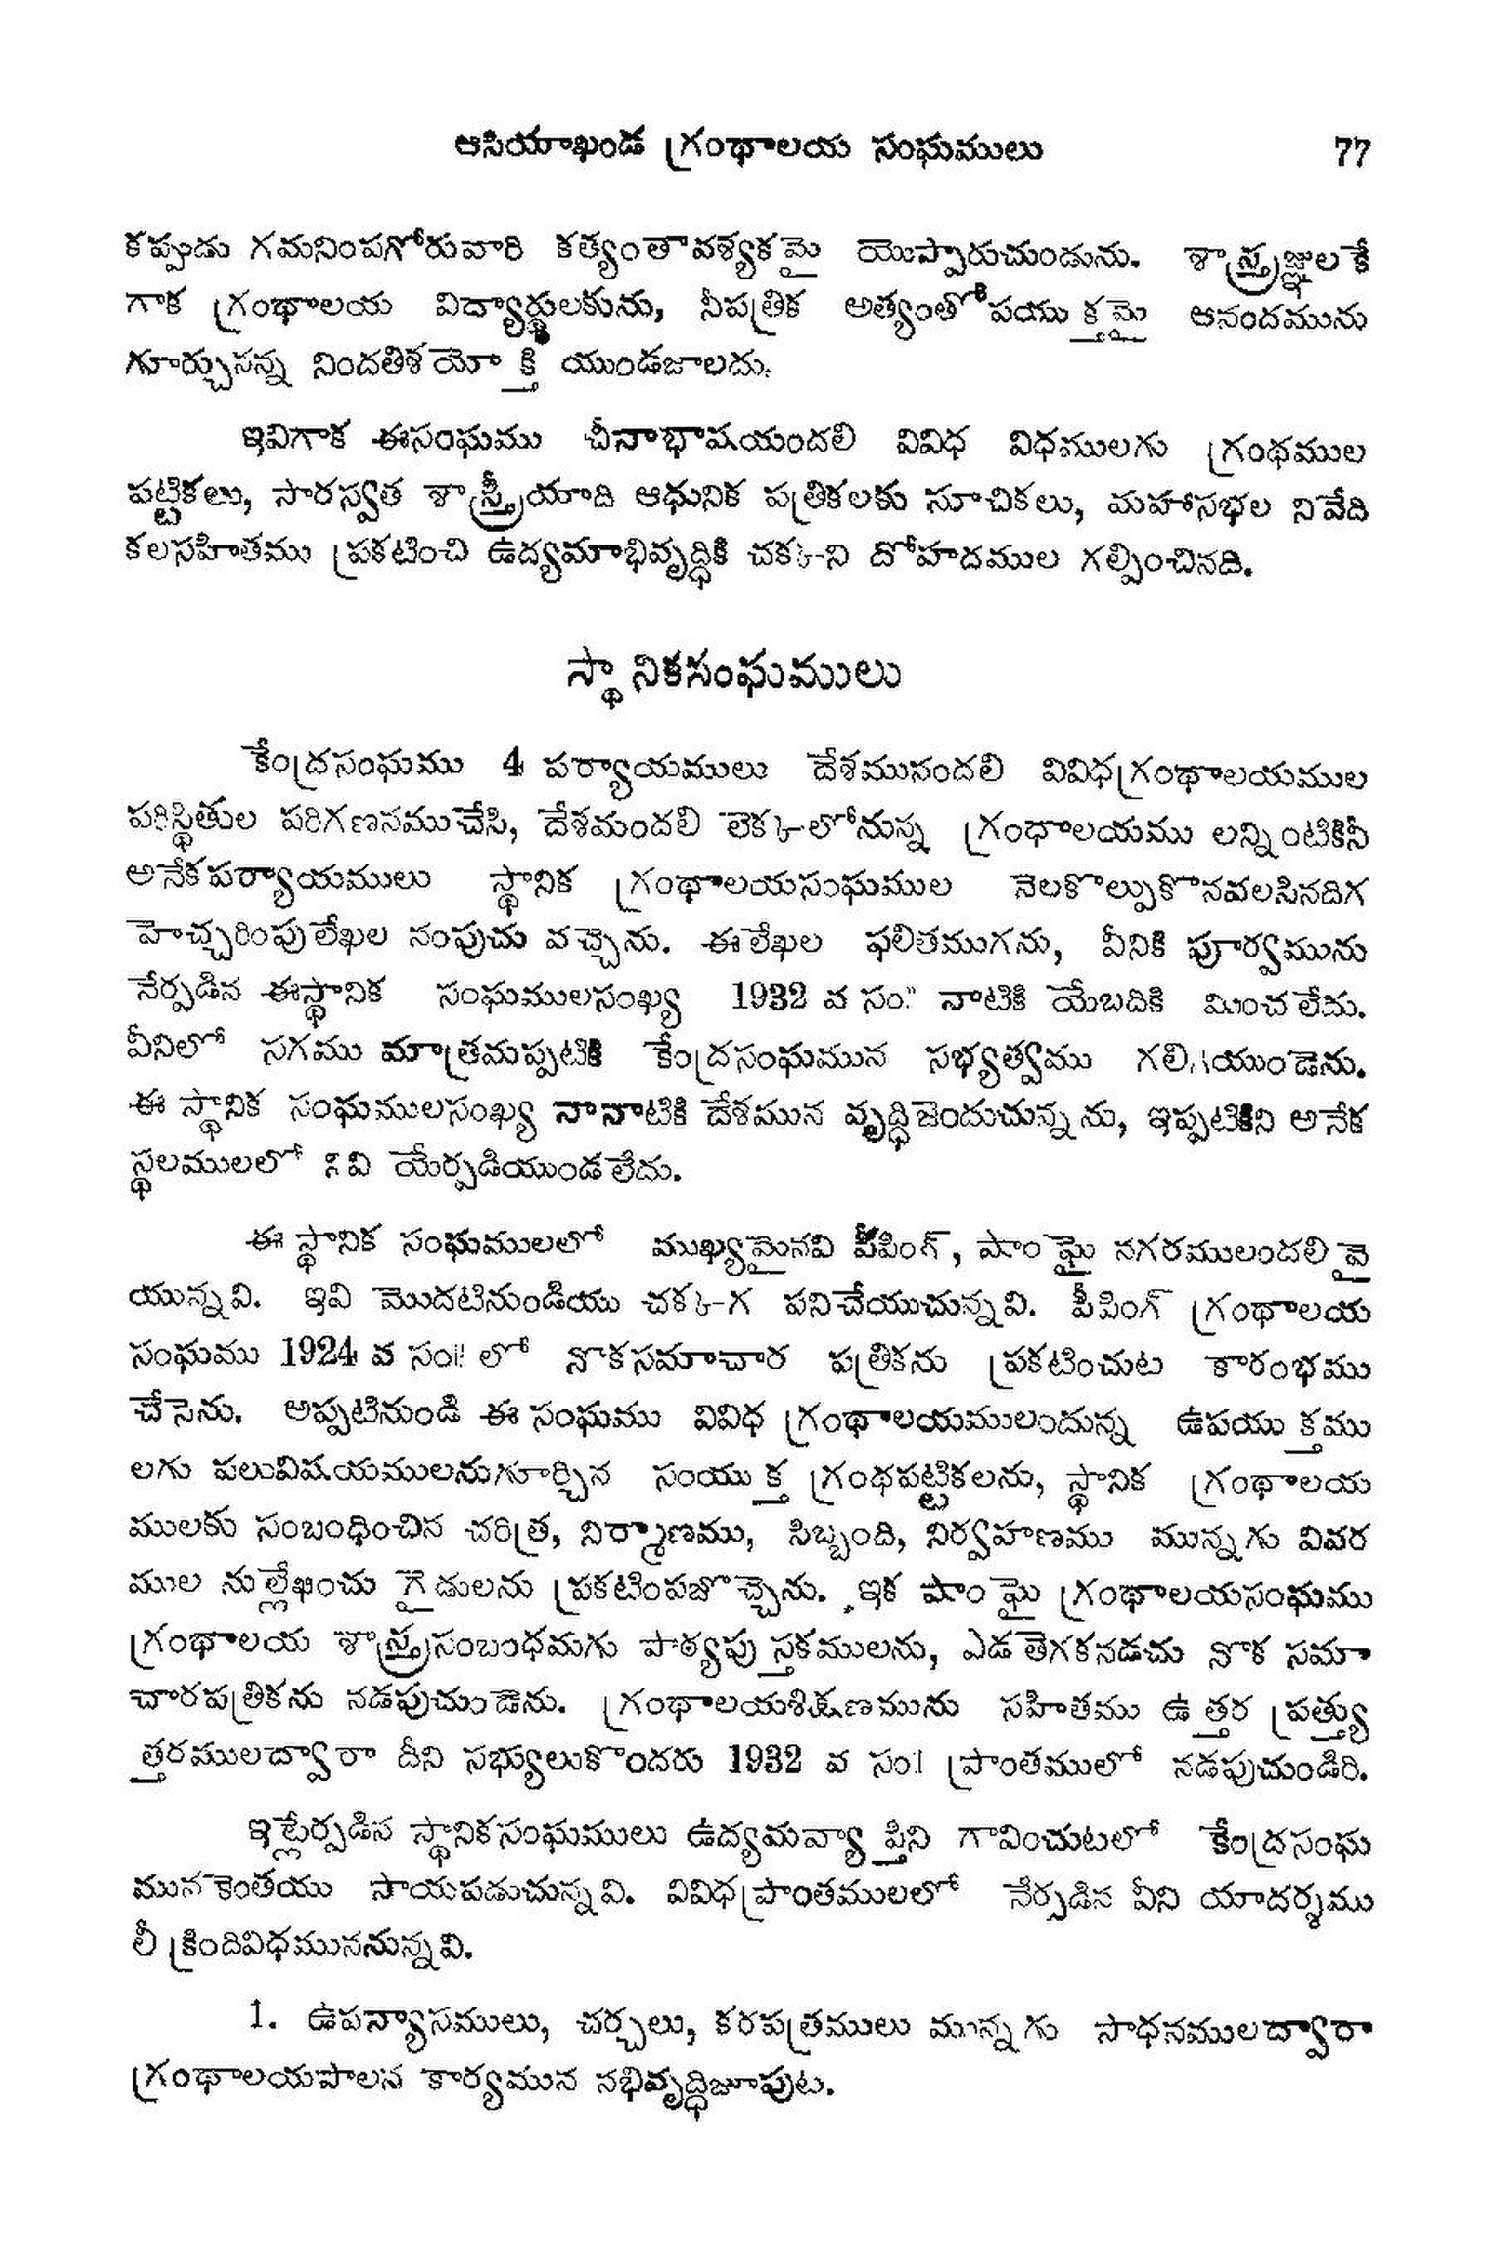కప్పుడు గమనింపగోరువారి కత్యంతావశ్యకమై యెప్పారుచుండును. శాస్త్రజ్ఞులకే
గాక గ్రంథాలయ విద్యార్థులకును, నీపత్రిక అత్యంతో పయుక్తమై ఆనందమును
గూర్చునన్న నిందతిశ యోక్తి యుండజాలదు.

ఇవిగాక ఈ సంఘము చీనాభాషయందలి వివిధ విధములగు గ్రంథముల
పట్టికలు, సారస్వత శాస్త్రీయాది ఆధునిక పత్రికలకు సూచికలు, మహాసభల నివేది
కలసహితము ప్రకటించి ఉద్యమాభివృద్ధికి చక్కని దోహదములు గల్పించినది.
 
కేంద్ర సంఘము 4 పర్యాయములు దేశమునందలి వివిధ గ్రంథాలయముల
పరిస్థితులు పరిగణనము చేసి, దేశమందలి లెక్కలోనున్న గ్రంధాలయము లన్నింటికినీ
అనేక పర్యాయములు స్థానిక గ్రంథాలయసంఘములు నెలకొల్పుకొనవలసినదిగ
హెచ్చరింపు లేఖల సంపుచు వచ్చెను. ఈ లేఖల ఫలితముగను, వీనికి పూర్వమును
నేర్పడిన ఈస్థానిక సంఘముల సంఖ్య 1932వ సం." నాటికి యేబదికి మించలేదు.
వీనిలో సగము మాత్రమప్పటికి కేంద్ర సంఘమున సభ్యత్వము గల్గియుండెను.
ఈ స్థానిక సంఘముల సంఖ్య నానాటికి దేశమున వృద్ధిచెందుచున్నను, ఇప్పటికిని అనేక
స్థలములలో నివి యేర్పడియుండ లేదు.

ఈ స్థానిక సంఘములలో ముఖ్యమైనవి పీపింగ్, షాంఘై నగరములందలి వై
యున్నవి. ఇవి మొదటినుండియు చక్కగ పని చేయుచున్నవి. పీపింగ్ గ్రంథాలయ
సంఘము 1924వ సం౹౹ సంస్ధలో నొక సమాచార పత్రికను ప్రకటించుట కారంభము
చేసెను. అప్పటినుండి ఈ సంఘము వివిధ గ్రంథాలయములందున్న ఉపయుక్తము
లగు పలువిషయములను గూర్చిన సంయుక్త గ్రంథపట్టికలను, స్థానిక గ్రంథాలయ
ములకు సంబంధించిన చరిత్ర, నిర్మాణము, సిబ్బంది, నిర్వహణము మున్నగు వివర
ముల నుల్లేఖించు గైడులను ప్రకటింపజొచ్చెను. ఇక షాంఘై గ్రంథాలయ సంఘము
గ్రంథాలయ శాస్త్ర సంబంధమగు పాఠ్యపుస్తకములను, ఎడతెగకనడచు నొక సమా
చారపత్రికను నడపుచుండెను. గ్రంథాలయశిక్షణమును సహితము ఉత్తర ప్రత్యు
త్తరముల ద్వారా దీని సభ్యులుకొందరు 1932వ సం౹౹ ప్రాంతములో నడపుచుండిరి.

ఇట్లేర్పడిన స్థానిక సంఘములు ఉద్యమవ్యాప్తిని గావించుటలో కేంద్ర సంఘ
మున కెంతయు సాయపడుచున్నవి. వివిధ ప్రాంతములలో నేర్పడిన వీని యాదర్శము
లీ క్రిందివిధముననున్నవి.
1. ఉపన్యాసములు, చర్చలు, కరపత్రములు మున్నగు సాధనముల ద్వారా గ్రంథాలయపాలన కార్యమున నభివృద్ధిజూపుట.